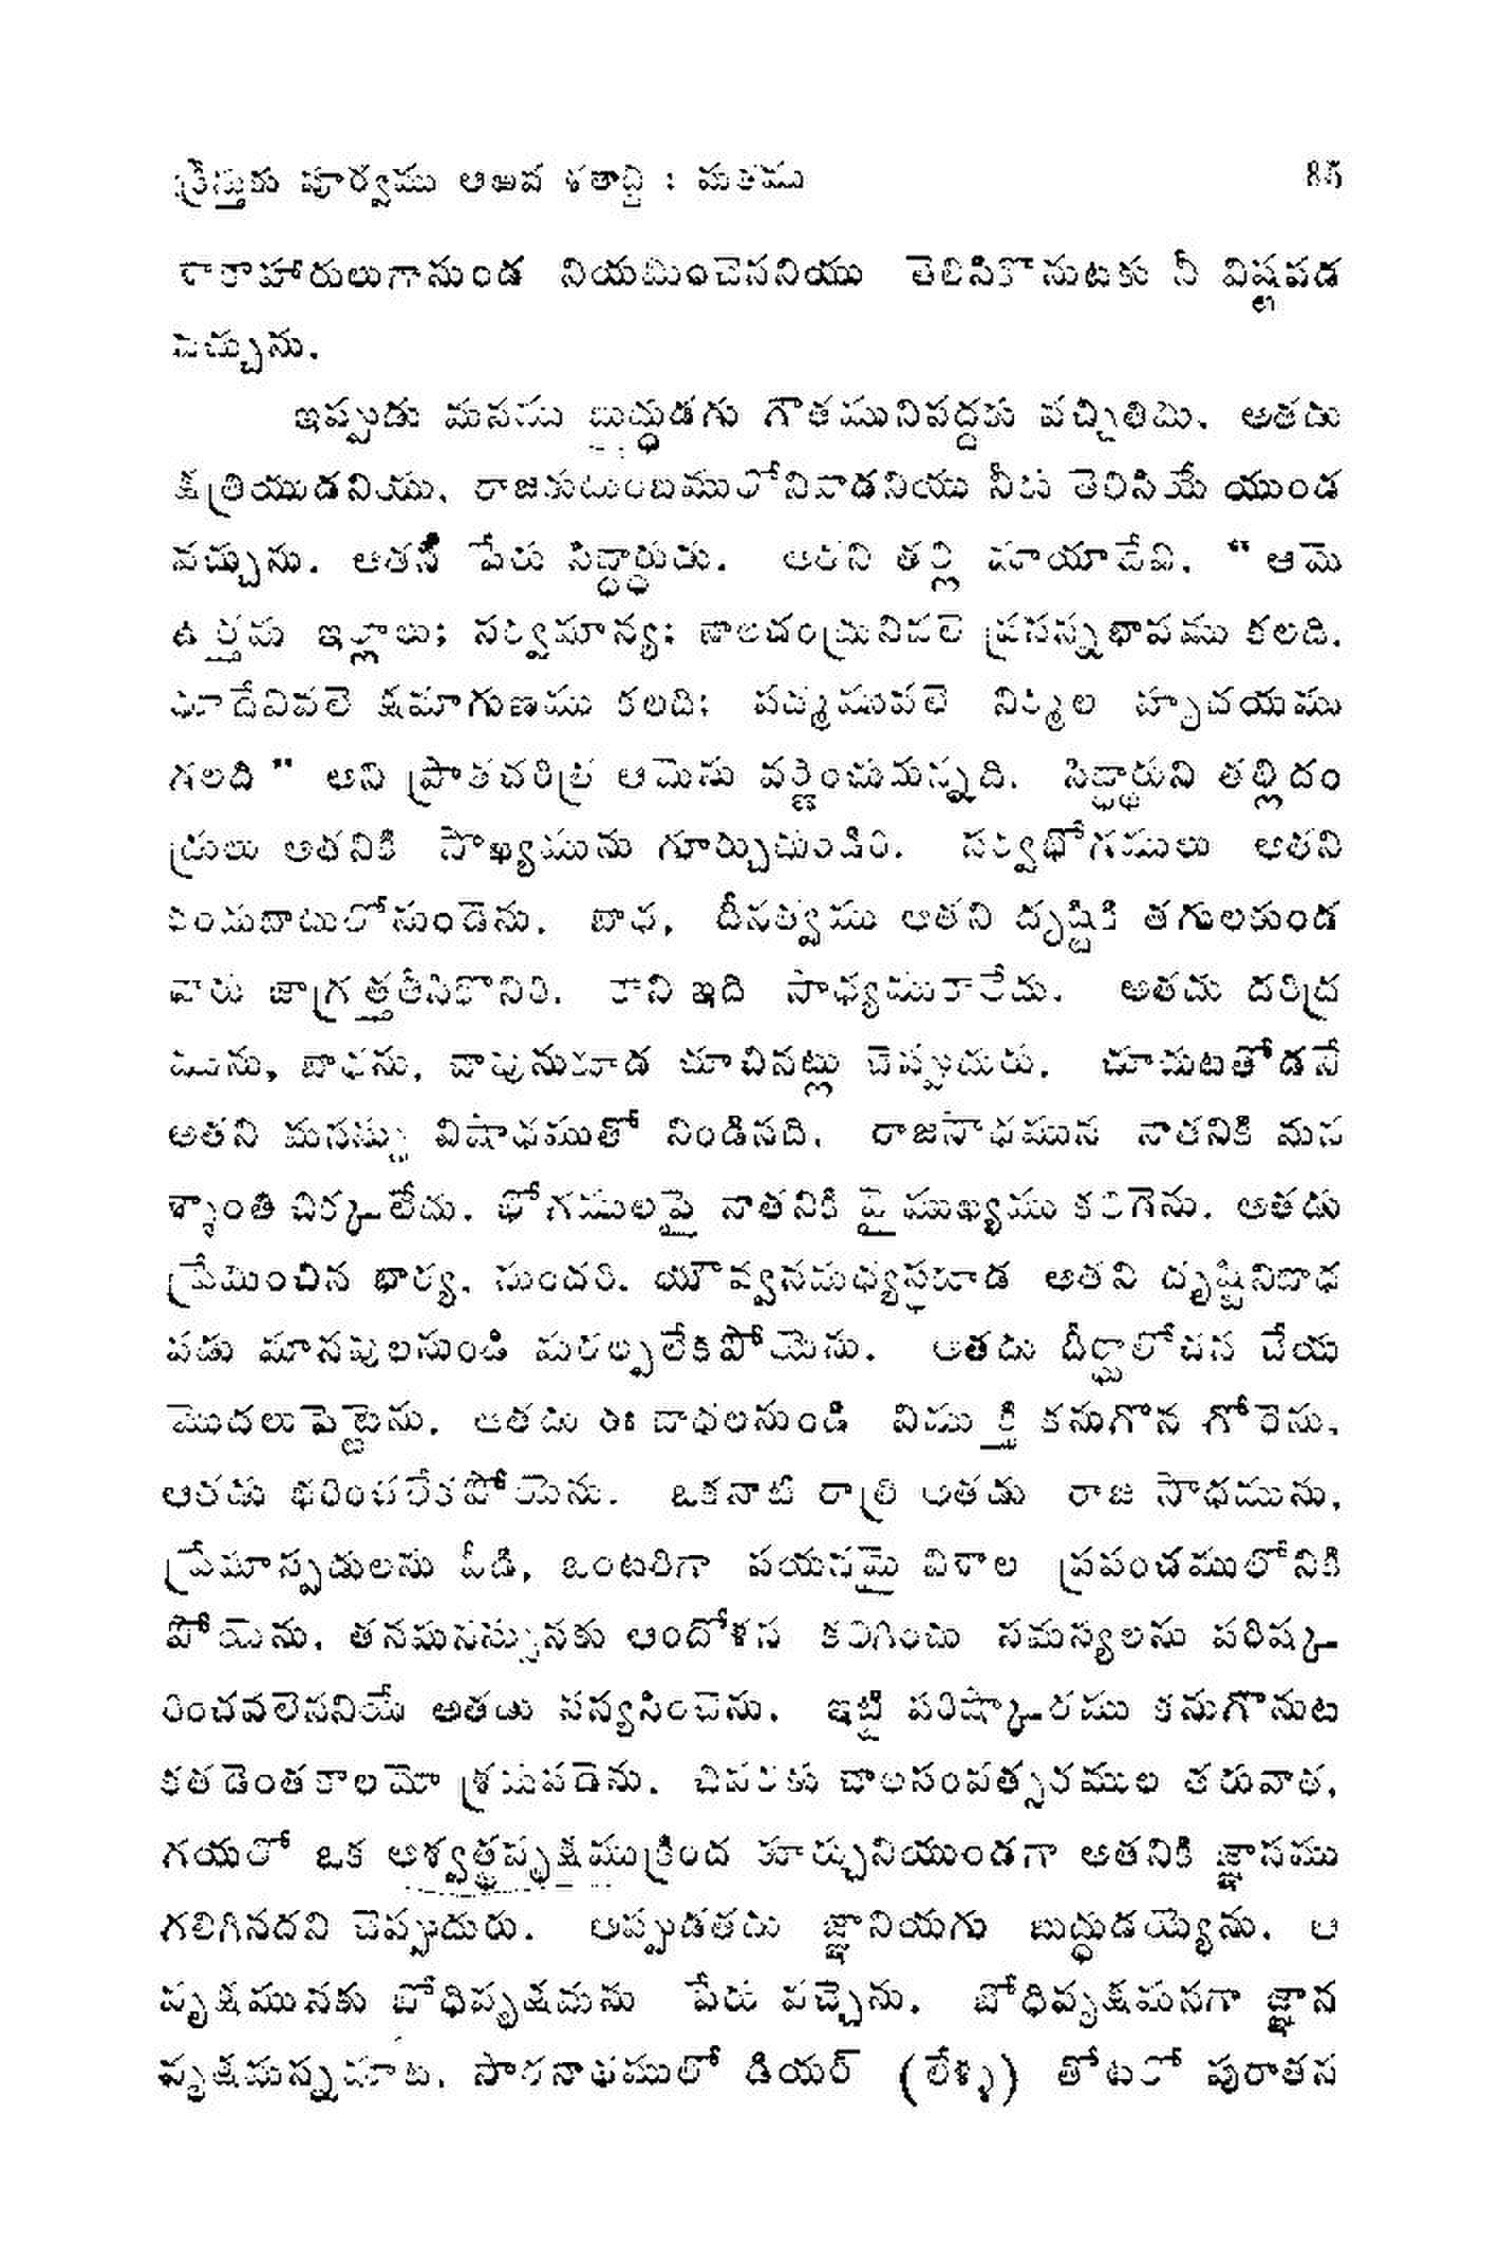శాకాహారులుగానుండ నియమించెననియు తెలిసికొనుటకు నీ విష్టపడ వచ్చును.

ఇప్పుడు మనము బుద్దుడగు గౌతమునివద్దకు వచ్చితిమి. అతడు క్షత్రియుడనియు, రాజకుటుంబములోనివాడనియు నీకు తెలిసియే యుండ వచ్చును. అతని పేరు సిద్ధార్థుడు. అతని తల్లి మాయాదేవి. "ఆమె ఉత్తమ ఇల్లాలు; సర్వమాన్య: బాలచంద్రునివలె ప్రసన్నభావము కలది. భూదేవివలె క్షమాగుణము కలది; పద్మమువలె నిర్మల హృదయము గలది " అని ప్రాతచరిత్ర ఆమెను వర్ణించుచున్నది. సిద్ధార్థుని తల్లిదండ్రులు అతనికి సౌఖ్యమును గూర్చుచుండిరి. సర్వభోగములు అతని కందుబాటులోనుండెను. బాధ, దీనత్వము అతని దృష్టికి తగులకుండ వారు జాగ్రత్తతీసికొనిరి. కాని ఇది సాధ్యముకాలేదు. అతను దరిద్రమును, బాధను, చావునుకూడ చూచినట్లు చెప్పుదురు. చూచుటతోడనే అతని మనస్సు విషాధముతో నిండినది. రాజసౌధమున నాతనికి మనశ్శాంతి చిక్కలేదు. భోగములపై నాతనికి వై ముఖ్యము కలిగెను. అతడు ప్రేమించిన భార్య, సుందరి. యౌవ్వనమధ్యస్థకూడ అతని దృష్టినిబాధపడు మానవులనుండి మరల్పలేకపోయెను. అతడు దీర్ఘాలోచన చేయ మొదలుపెట్టెను. అతడు ఈ బాధలనుండి విముక్తి కనుగొన గోరెను. ఆతడు భరించలేకపోయెను. ఒకనాటి రాత్రి అతడు రాజ సౌధమును,
ప్రేమాస్పదులను వీడి, ఒంటరిగా పయనమై విశాల ప్రపంచములోనికి పోయెను. తనమనస్సునకు ఆందోళన కలిగించు సమస్యలను పరిష్కరించవలెననియే అతడు సన్యసించెను. ఇట్టి పరిష్కారము కనుగొనుట కతడెంతకాలమో శ్రమపడెను. చివరకు చాల సంవత్సరముల తరువాత, గయలో ఒక ఆశ్వత్థవృక్షముక్రింద కూర్చునియుండగా అతనికి జ్ఞానము గలిగినదని చెప్పుదురు. అప్పుడతడు జ్ఞానియగు బుద్దుడయ్యెను. ఆ వృక్షమునకు బోధివృక్షమను పేరు వచ్చెను. బోధివృక్షమనగా జ్ఞాన వృక్షమన్నమాట, సారనాథములో డియర్ (లేళ్ళ) తోటలో పురాతన